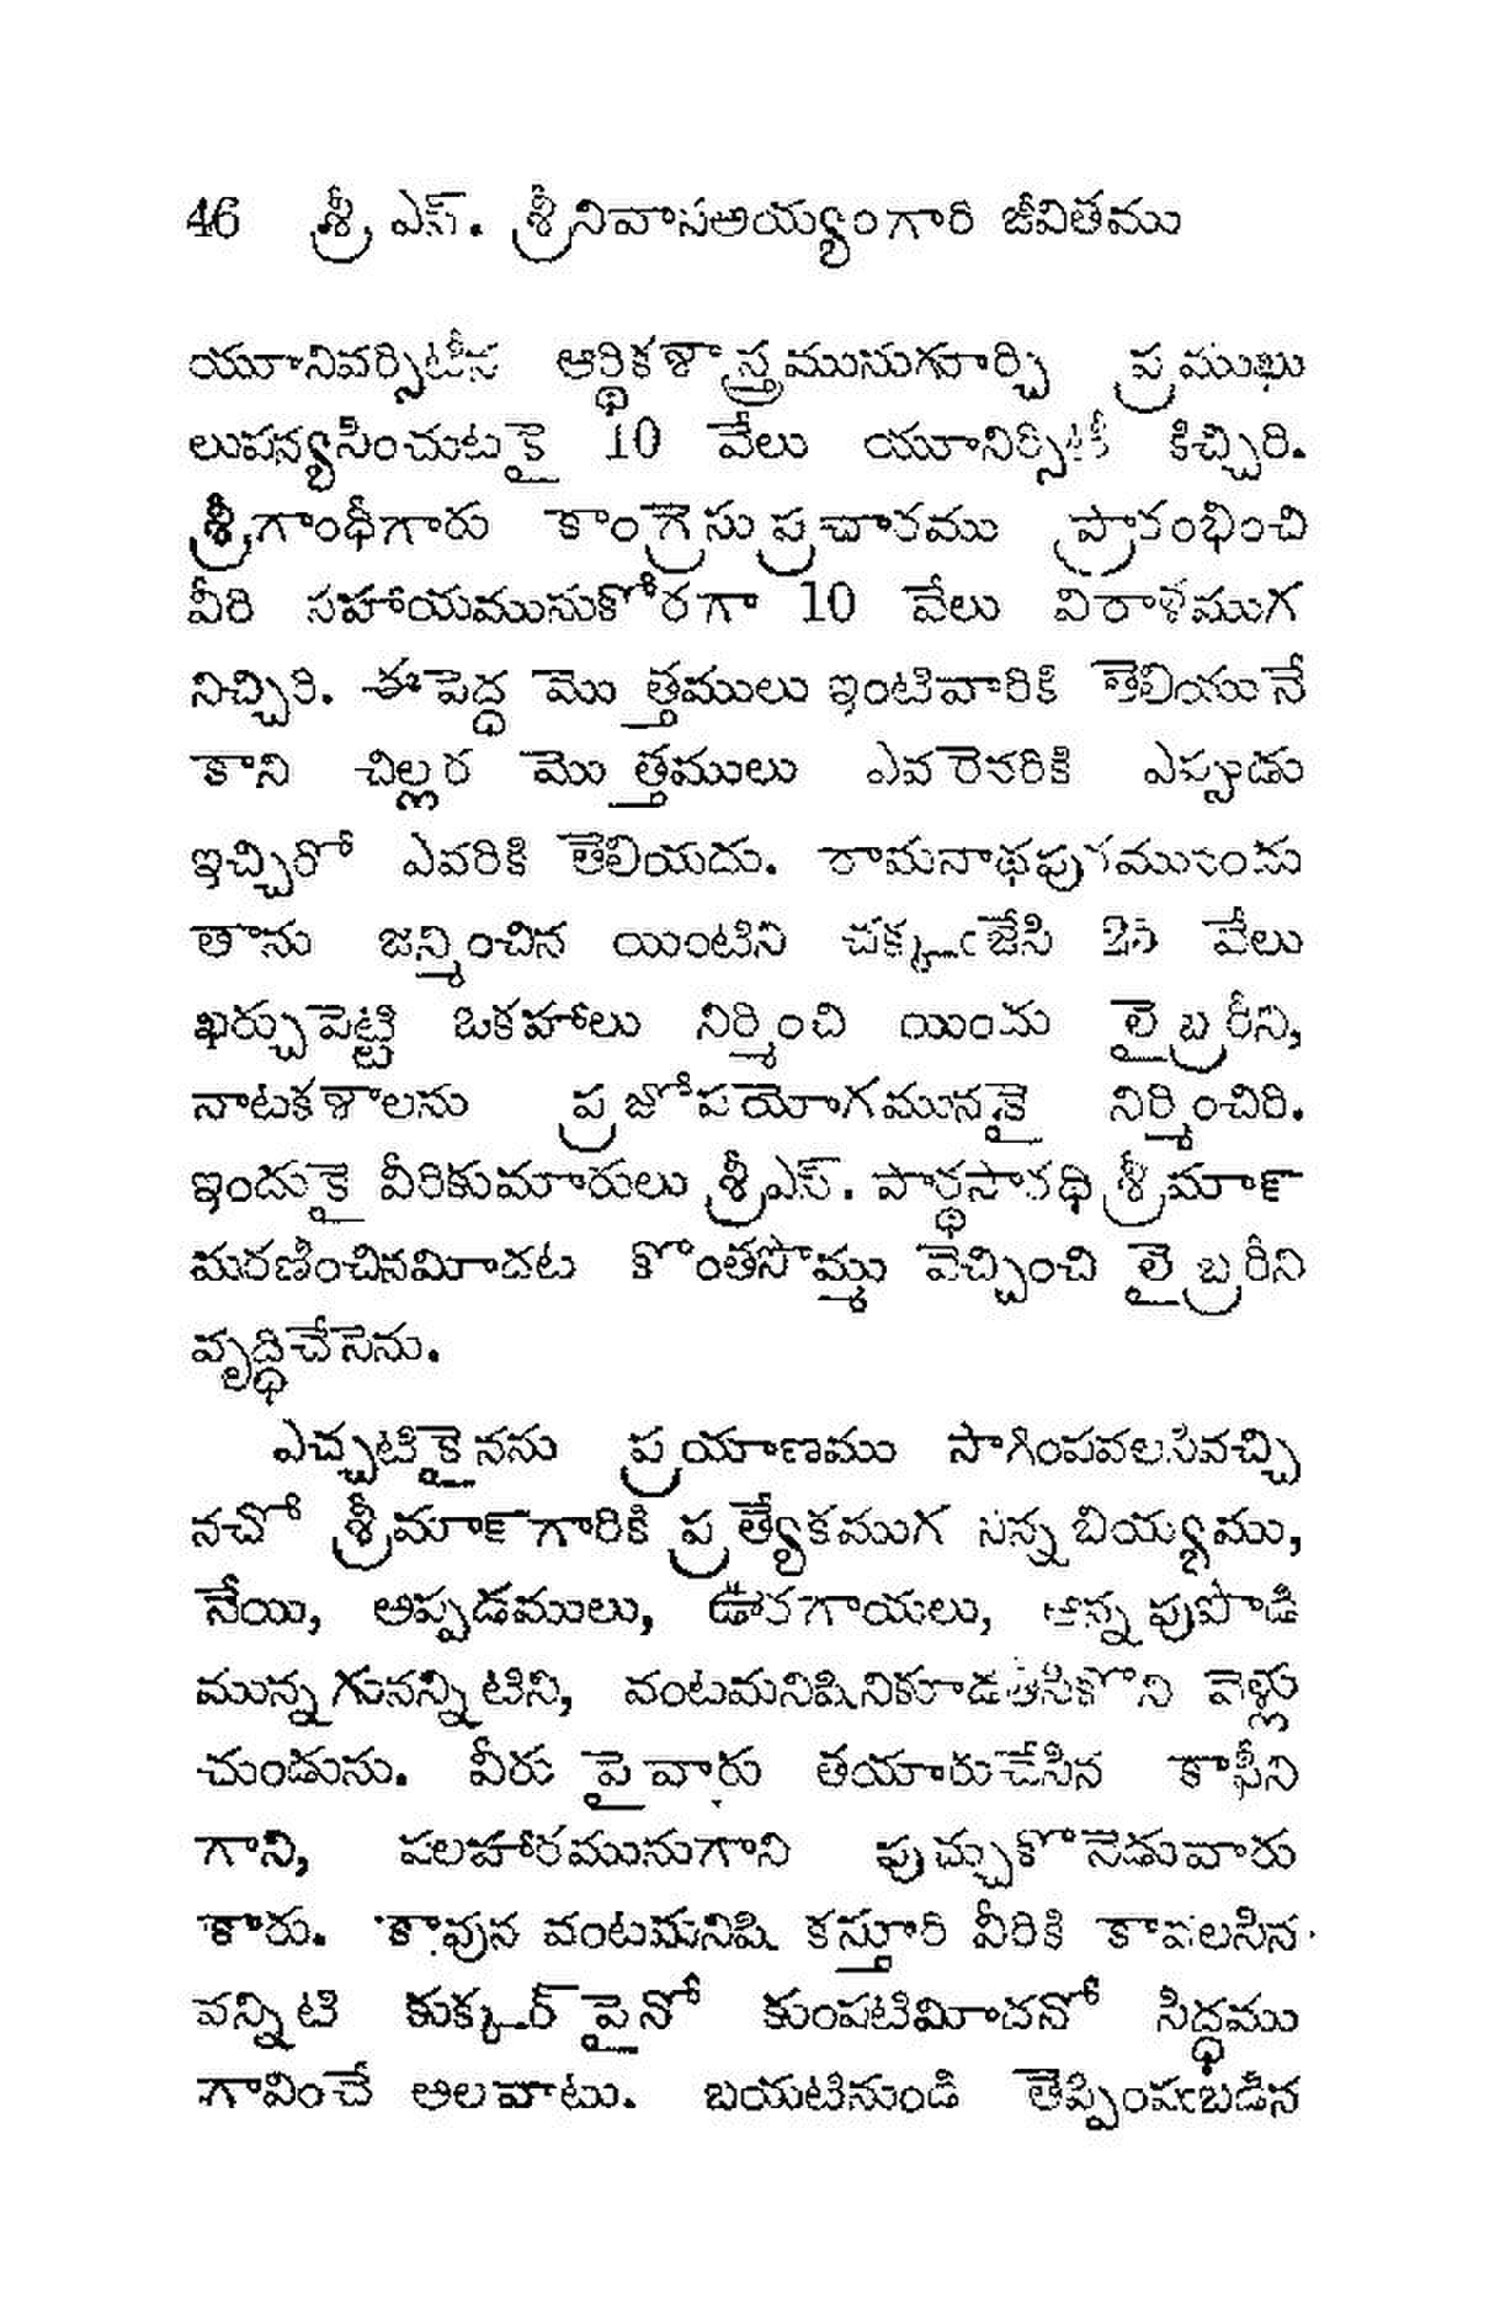యూనివర్సిటీన ఆర్థికశాస్త్రమునుగూర్చి ప్రముఖులుపన్యసించుటకై 10 వేలు యూనిర్సిటీ కిచ్చిరి. శ్రీగాంధీగారు కాంగ్రెసుప్రచారము ప్రారంభించి వీరి సహాయముసుకోరగా 10 వేలు విరాళముగ నిచ్చిరి. ఈపెద్ద మొత్తములు ఇంటివారికి తెలియునే కాని చిల్లర మొత్తములు ఎవరెవరికి ఎప్పుడు ఇచ్చిరో ఎవరికి తెలియదు. రామనాథపురమునందు తాను జన్మించిన యింటిని చక్కఁజేసి 25 వేలు ఖర్చుపెట్టి ఒకహాలు నిర్మించి యిందు లైబ్రరీని, నాటకశాలను ప్రజోపయోగమునకై నిర్మించిరి. ఇందుకై వీరికుమారులు శ్రీ ఎస్. పార్టసారథి శ్రీమా౯ మరణించినమీదట కొంతసొమ్ము వెచ్చించి లైబ్రరీని వృద్ధిచేసెను.

ఎచ్చటికైనను ప్రయాణము సాగింపవలసివచ్చినచో శ్రీమా౯గారికి ప్రత్యేకముగ సన్నబియ్యము, నేయి, అప్పడములు, ఊరగాయలు, అన్నపుపొడి మున్నగునన్నిటిని, వంటమనిషినికూడతీసికొని వెళ్లుచుండును. వీరు పైవారు తయారుచేసిన కాఫీని గాని, ఫలహారమునుగాని పుచ్చుకొనెడువారు కారు. కావున వంటమనిషి కస్తూరి వీరికి కావలసిన వన్నిటి కుక్కర్ పైనో కుంపటిమీదనో సిద్ధము గావించే అలవాటు. బయటినుండి తెప్పింపఁబడిన